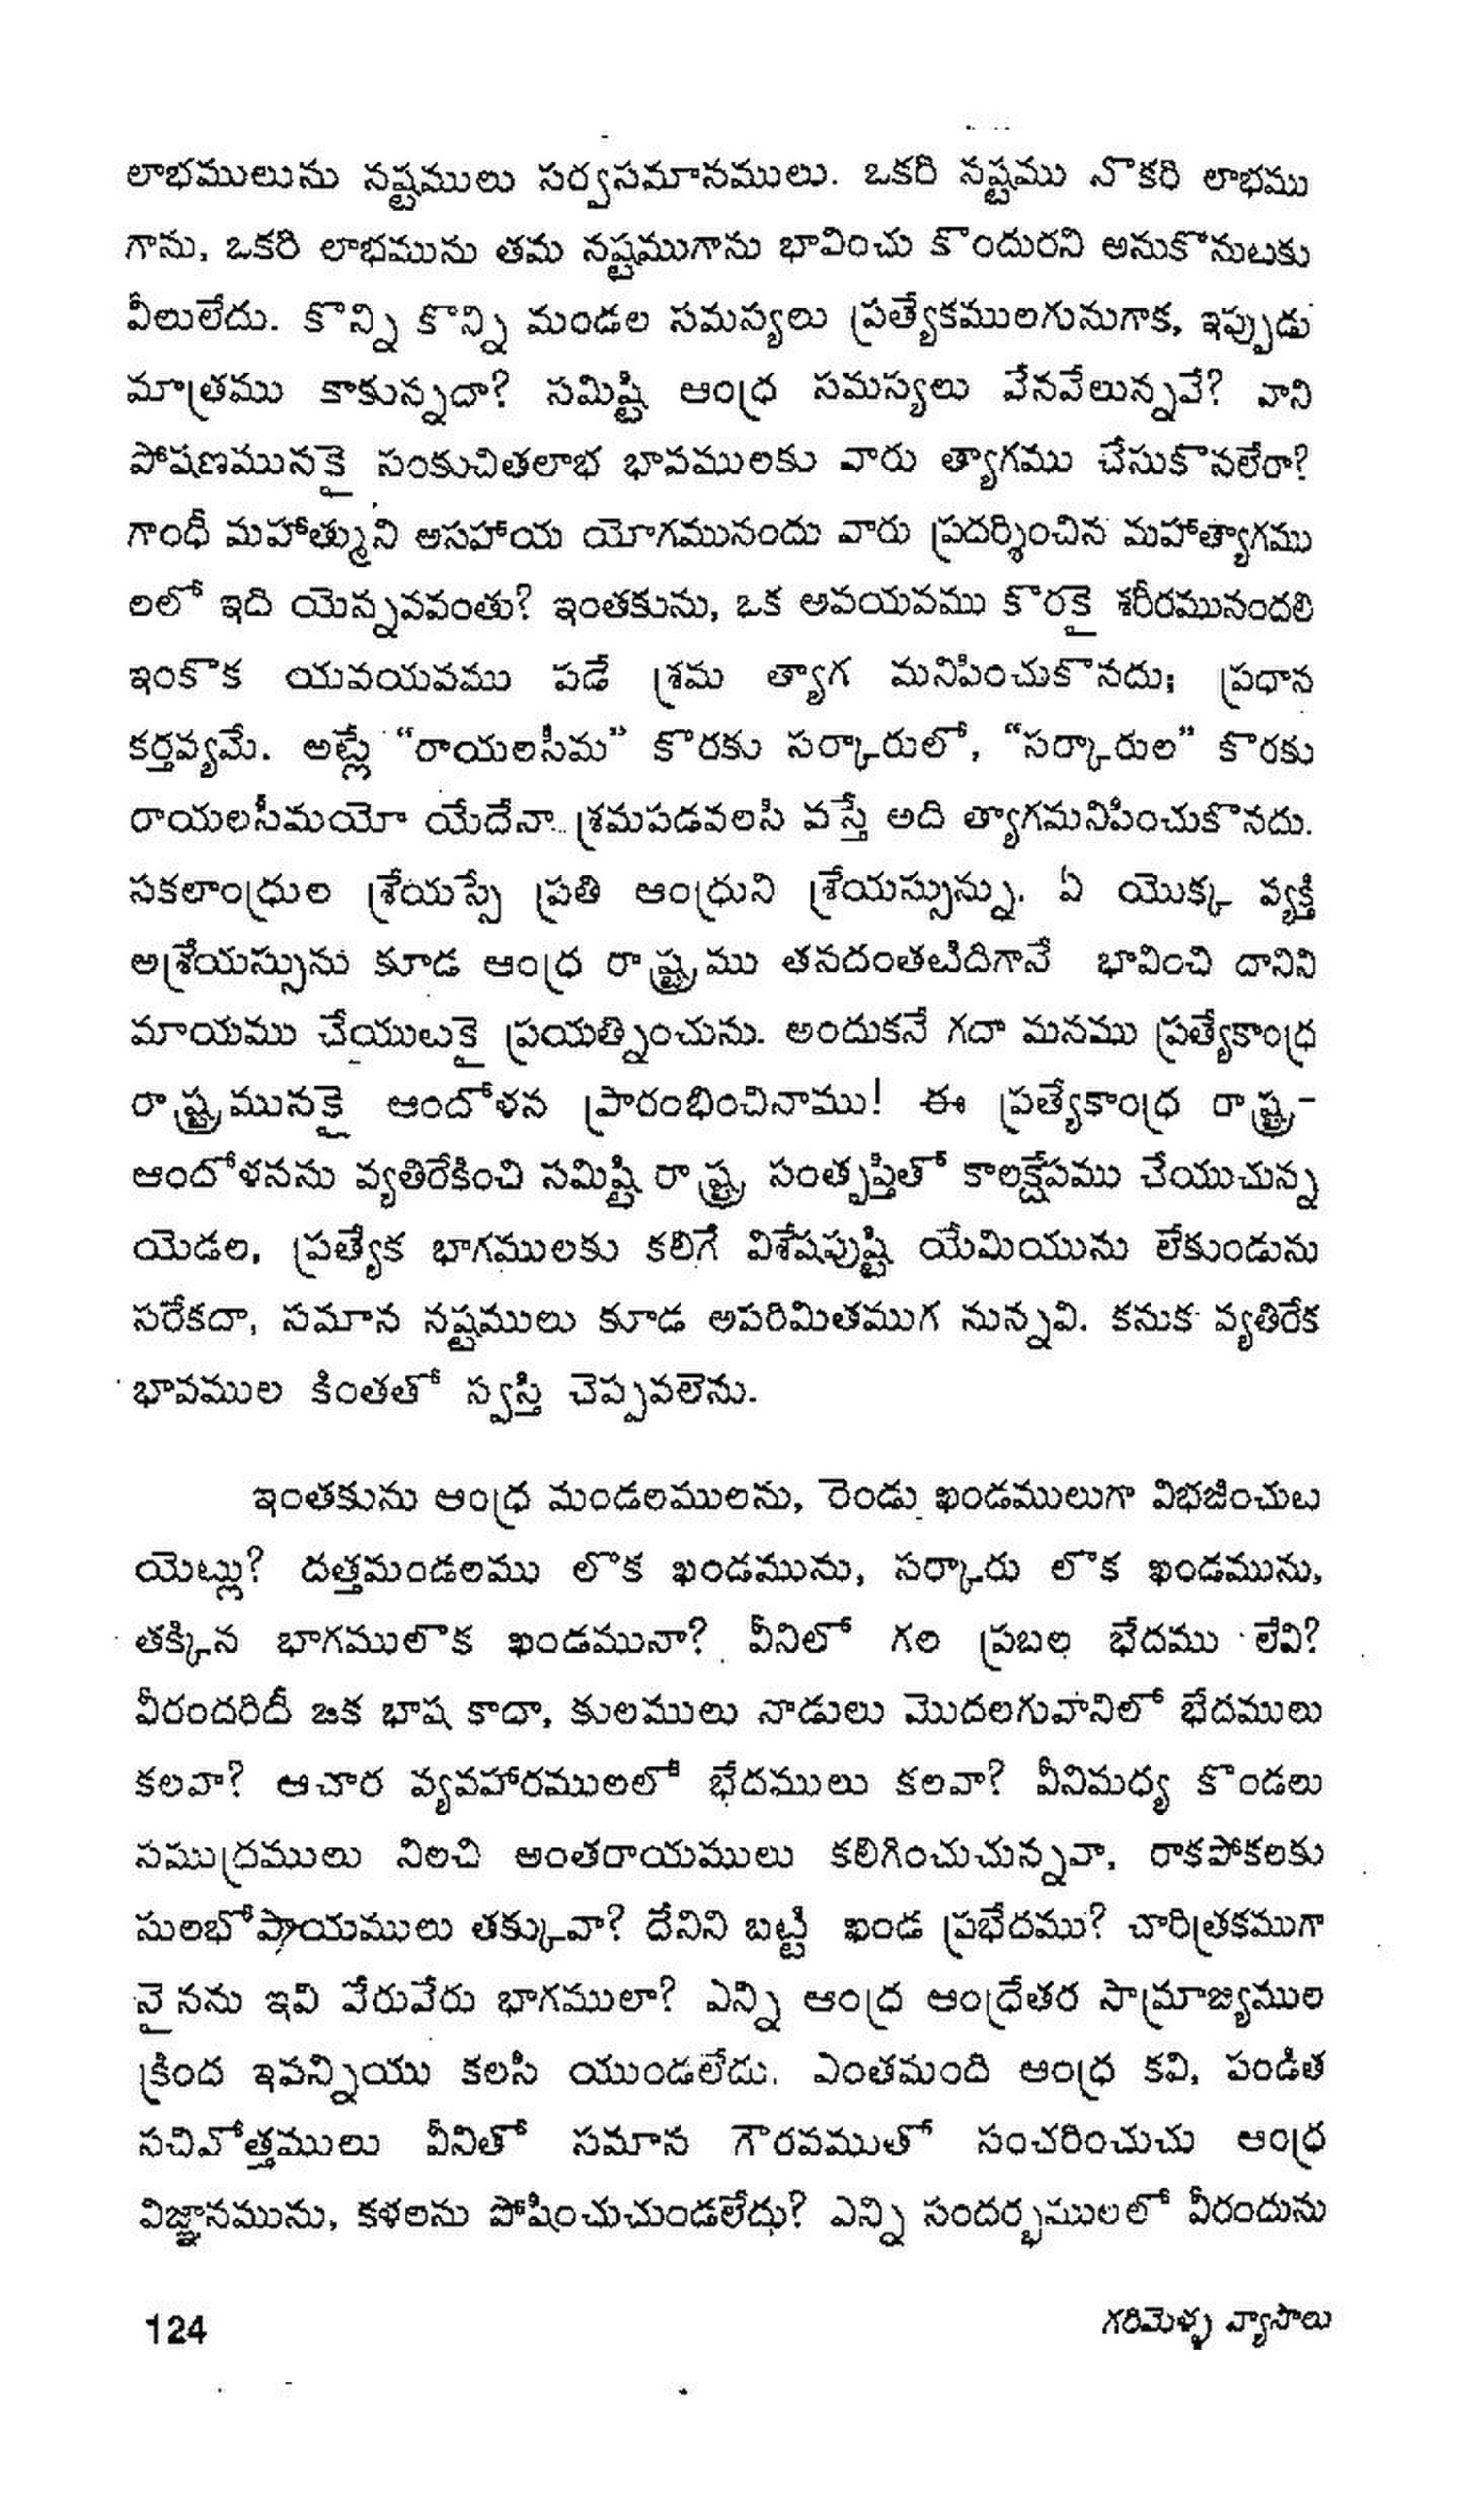లాభములును నష్టములు సర్వసమానములు. ఒకరి నష్టము నొకరి లాభముగాను, ఒకరి లాభమును తమ నష్టముగాను భావించు కొందురని అనుకొనుటకు వీలులేదు. కొన్ని కొన్ని మండల సమస్యలు ప్రత్యేకములగునుగాక, ఇప్పుడు మాత్రము కాకున్నదా? సమిష్టి ఆంధ్ర సమస్యలు వేనవేలున్నవే? వాని పోషణమునకై సంకుచితలాభ భావములకు వారు త్యాగము చేసుకొనలేరా? గాంధీ మహాత్ముని అసహాయ యోగమునందు వారు ప్రదర్శించిన మహాత్యాగములలో ఇది యెన్నవవంతు? ఇంతకును, ఒక అవయవము కొరకై శరీరమునందలి ఇంకొక యవయవము పడే శ్రమ త్యాగ మనిపించుకొనదు. ప్రధాన కర్తవ్యమే, అట్లే "రాయలసీమ" కొరకు సర్కారులో, "సర్కారుల" కొరకు రాయలసీమయో యేదేనా శ్రమపడవలసి వస్తే అది త్యాగమనిపించుకొనదు. సకలాంధ్రుల శ్రేయస్సే ప్రతి ఆంధ్రుని శ్రేయస్సున్ను. ఏ యొక్క వ్యక్తి ఆశ్రేయస్సును కూడ ఆంధ్ర రాష్ట్రము తనదంతటిదిగానే భావించి దానిని మాయము చేయుటకై ప్రయత్నించును. అందుకనే గదా మనము ప్రత్యేకాంధ్ర రాష్ట్రమునకై ఆందోళన ప్రారంభించినాము! ఈ ప్రత్యేకాంధ్ర రాష్ట్ర ఆందోళనను వ్యతిరేకించి సమిష్టి రాష్ట్ర సంతృప్తితో కాలక్షేపము చేయుచున్నయెడల, ప్రత్యేక భాగములకు కలిగే విశేషపుష్టి యేమియును లేకుండను సరేకదా, సమాన నష్టములు కూడ అపరిమితముగ నున్నవి. కనుక వ్యతిరేక భావముల కింతతో స్వస్తి చెప్పవలెను.

ఇంతకును ఆంధ్ర మండలములను, రెండు ఖండములుగా విభజించుట యెట్లు? దత్తమండలము లొక ఖండమును, సర్కారు లొక ఖండమును, తక్కిన భాగములొక ఖండమునా? వీనిలో గల ప్రబల భేదము లేవి? వీరందరిదీ ఒక భాష కాదా, కులములు నాడులు మొదలగువానిలో భేదములు కలవా? ఆచార వ్యవహారములలో భేదములు కలవా? వీనిమధ్య కొండలు సముద్రములు నిలచి అంతరాయములు కలిగించుచున్నవా, రాకపోకలకు సులభోపాయములు తక్కువా? దేనిని బట్టి ఖండ ప్రభేధము? చారిత్రకముగా నైనను ఇవి వేరువేరు భాగములా? ఎన్ని ఆంధ్ర ఆంధ్రేతర సామ్రాజ్యముల క్రింద ఇవన్నియు కలసి యుండలేదు. ఎంతమంది ఆంధ్ర కవి, పండిత సచివోత్తములు వీనితో సమాన గౌరవముతో సంచరించుచు ఆంధ్ర విజ్ఞానమును, కళలను పోషించుచుండలేదు? ఎన్ని సందర్భములలో వీరందును